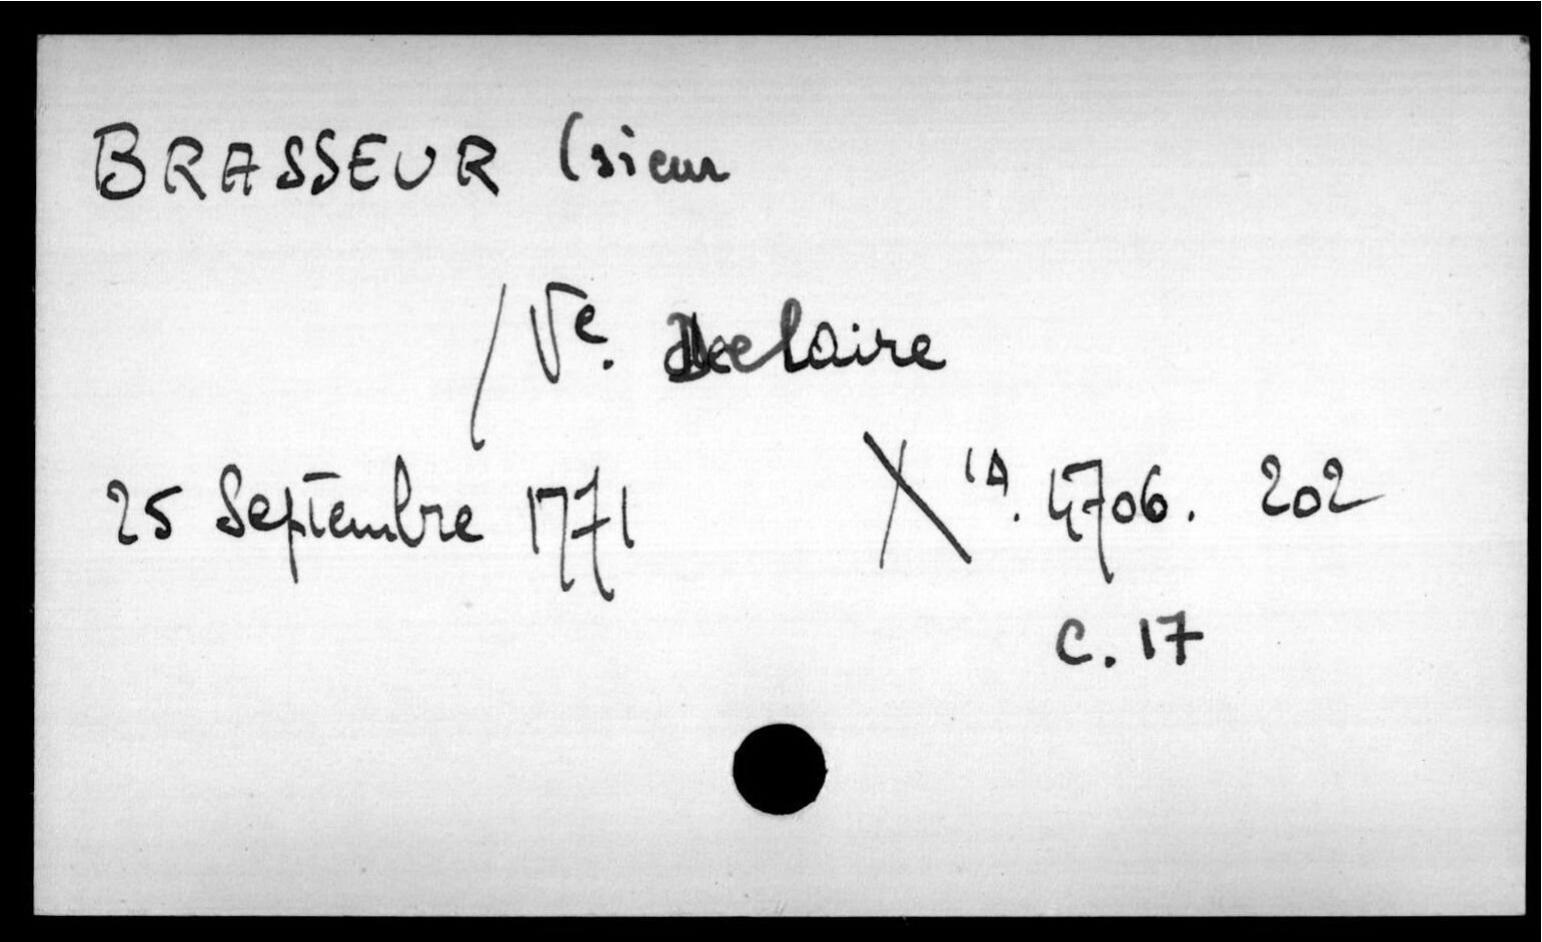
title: BRASSEUR (sieur
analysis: Contre Veuve Delaire
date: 25 septembre 1771
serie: X1A
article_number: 4706
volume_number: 202, Conseil, 17
